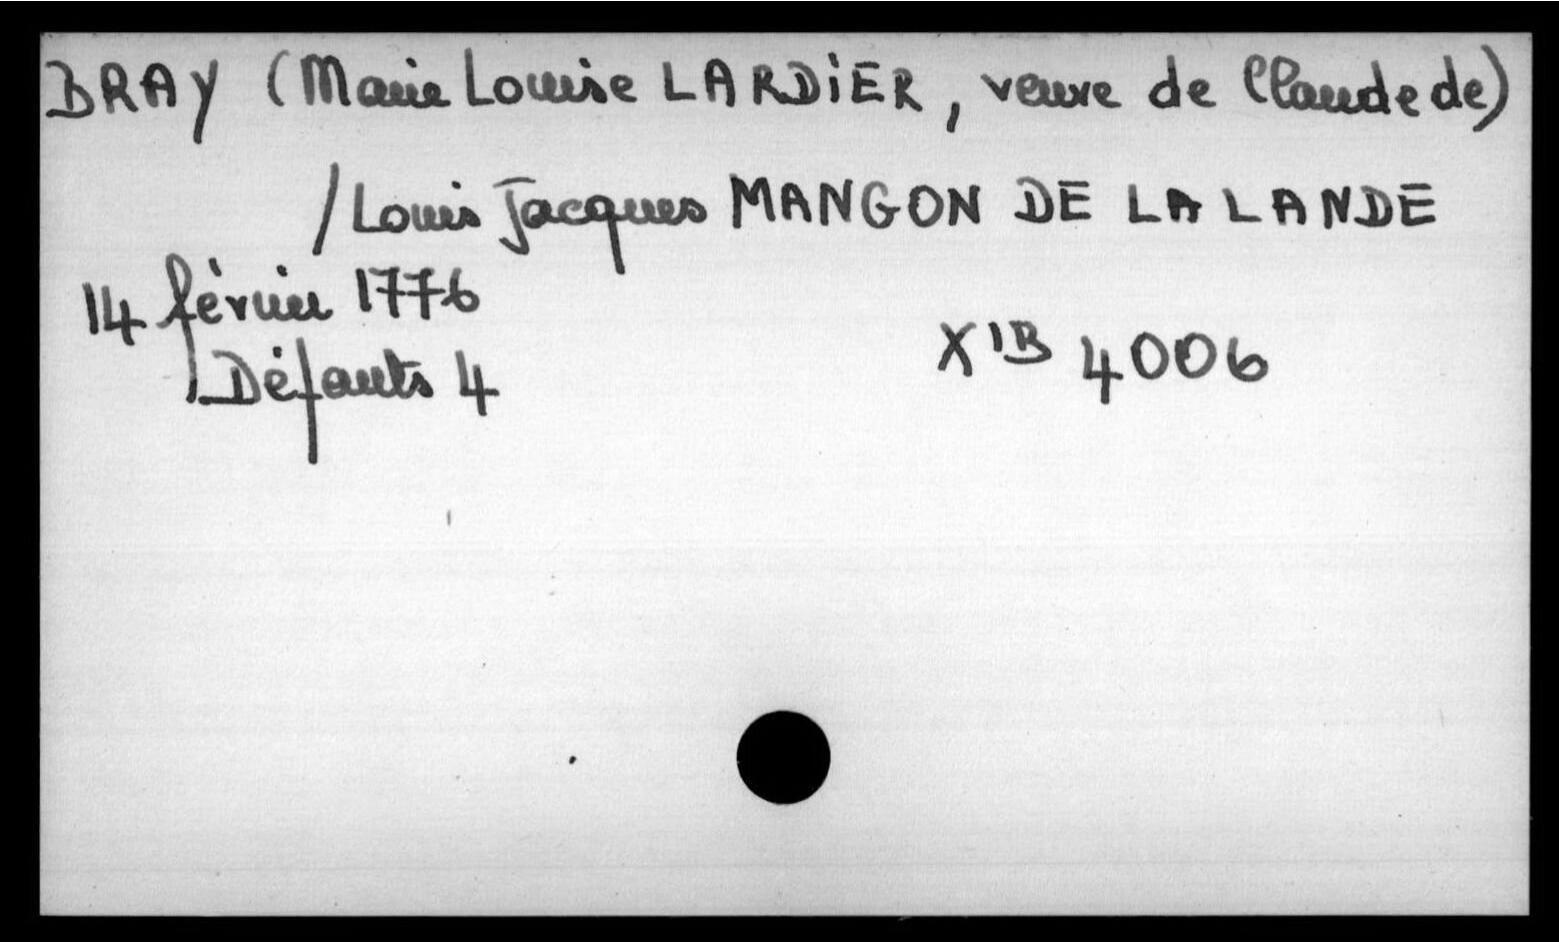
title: BRAY (Marie Louise LARDIER, veuve de Claude de)
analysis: Contre Louis Jacques MANGON DE LA LANDE
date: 14 février 1776
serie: X1B
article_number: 4006
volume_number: Défauts, 4
